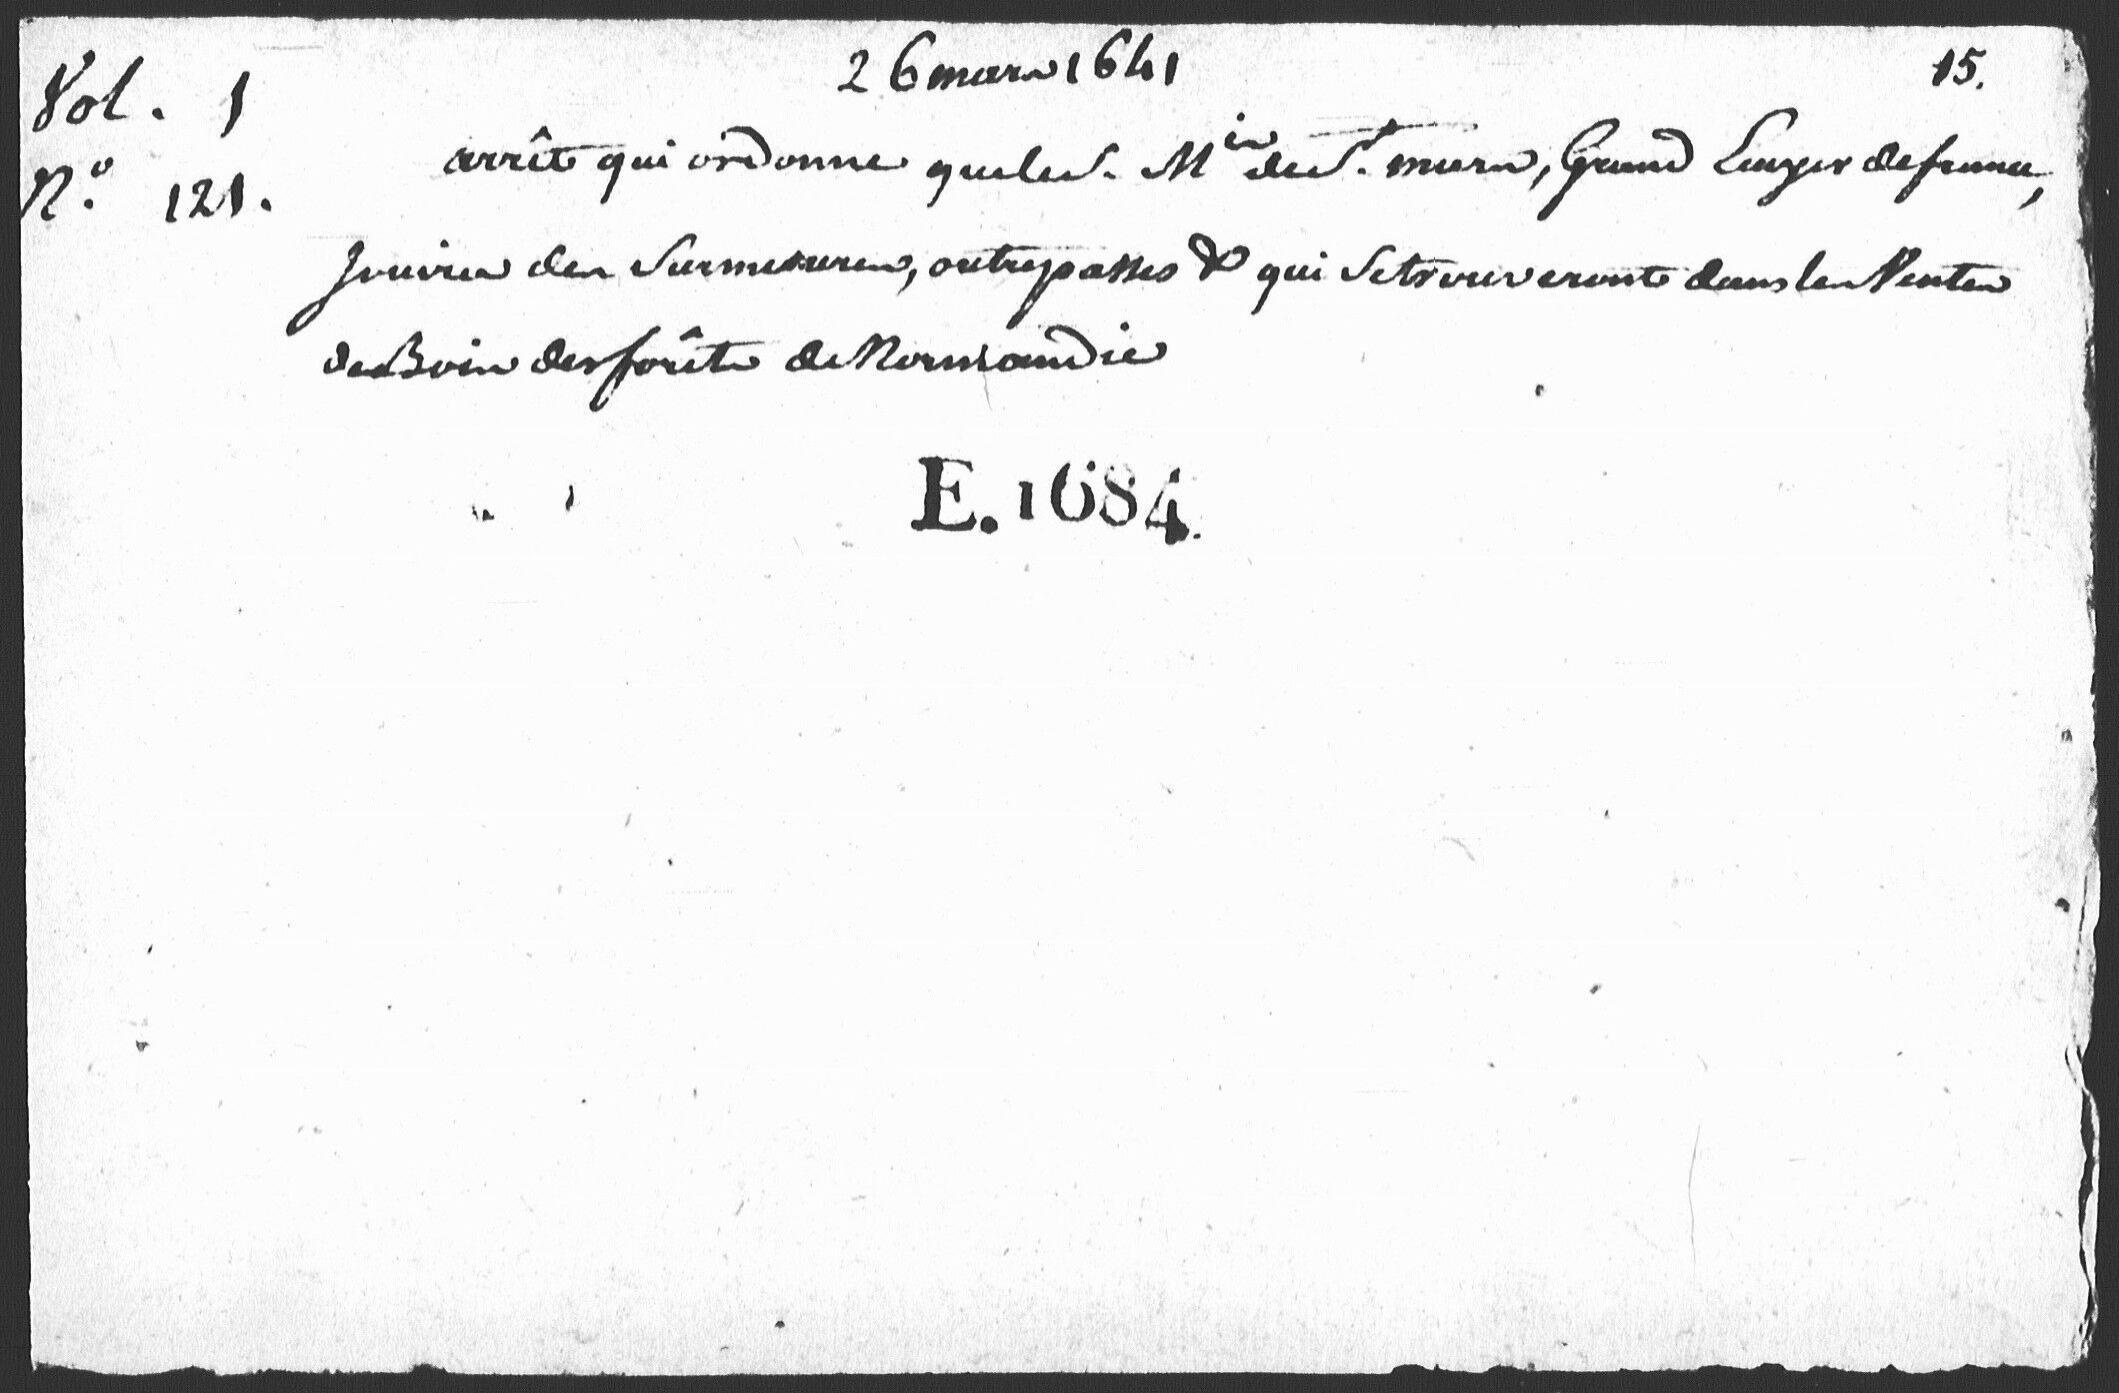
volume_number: n° 121
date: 26 mars 1641
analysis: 15
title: Arrêt qui ordonne que le Sieur Marquis de Saint Mars, Grand Écuyer de France, jouira des surmesures, outrepassés et qui se trouveront dans la vente des bois des forêts de Normandie.
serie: E
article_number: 1684
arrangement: Volume 1
